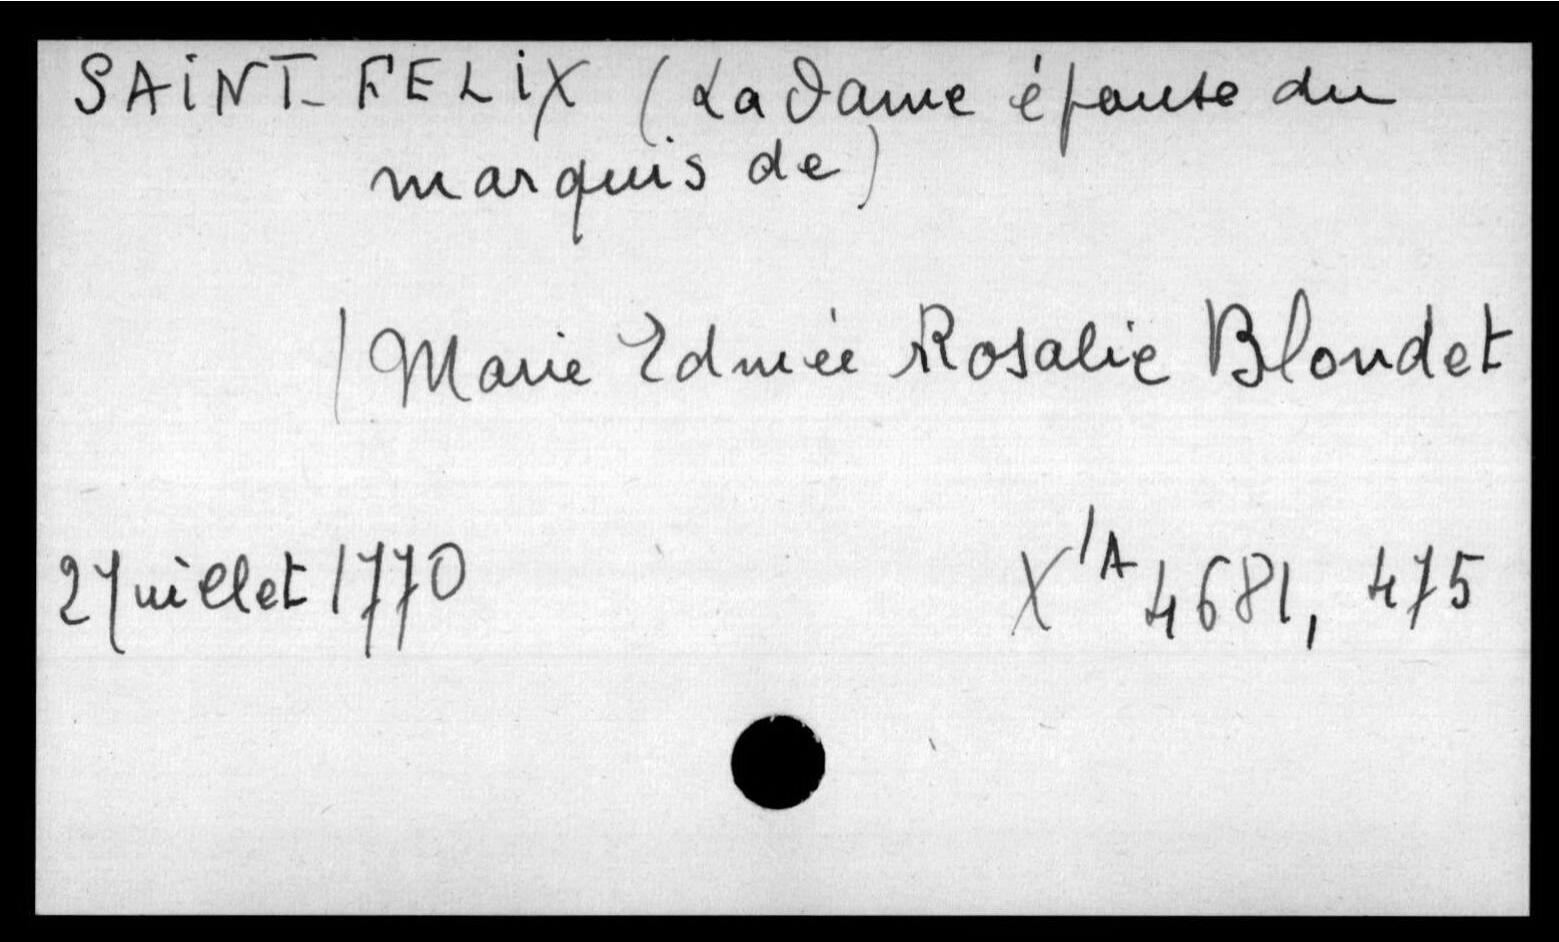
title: SAINT-FELIX (La dame épouse du marquis de)
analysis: Contre Marie Edmée Rosalie Blondet
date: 2 juillet 1770
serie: X1A
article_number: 4681
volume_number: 475
